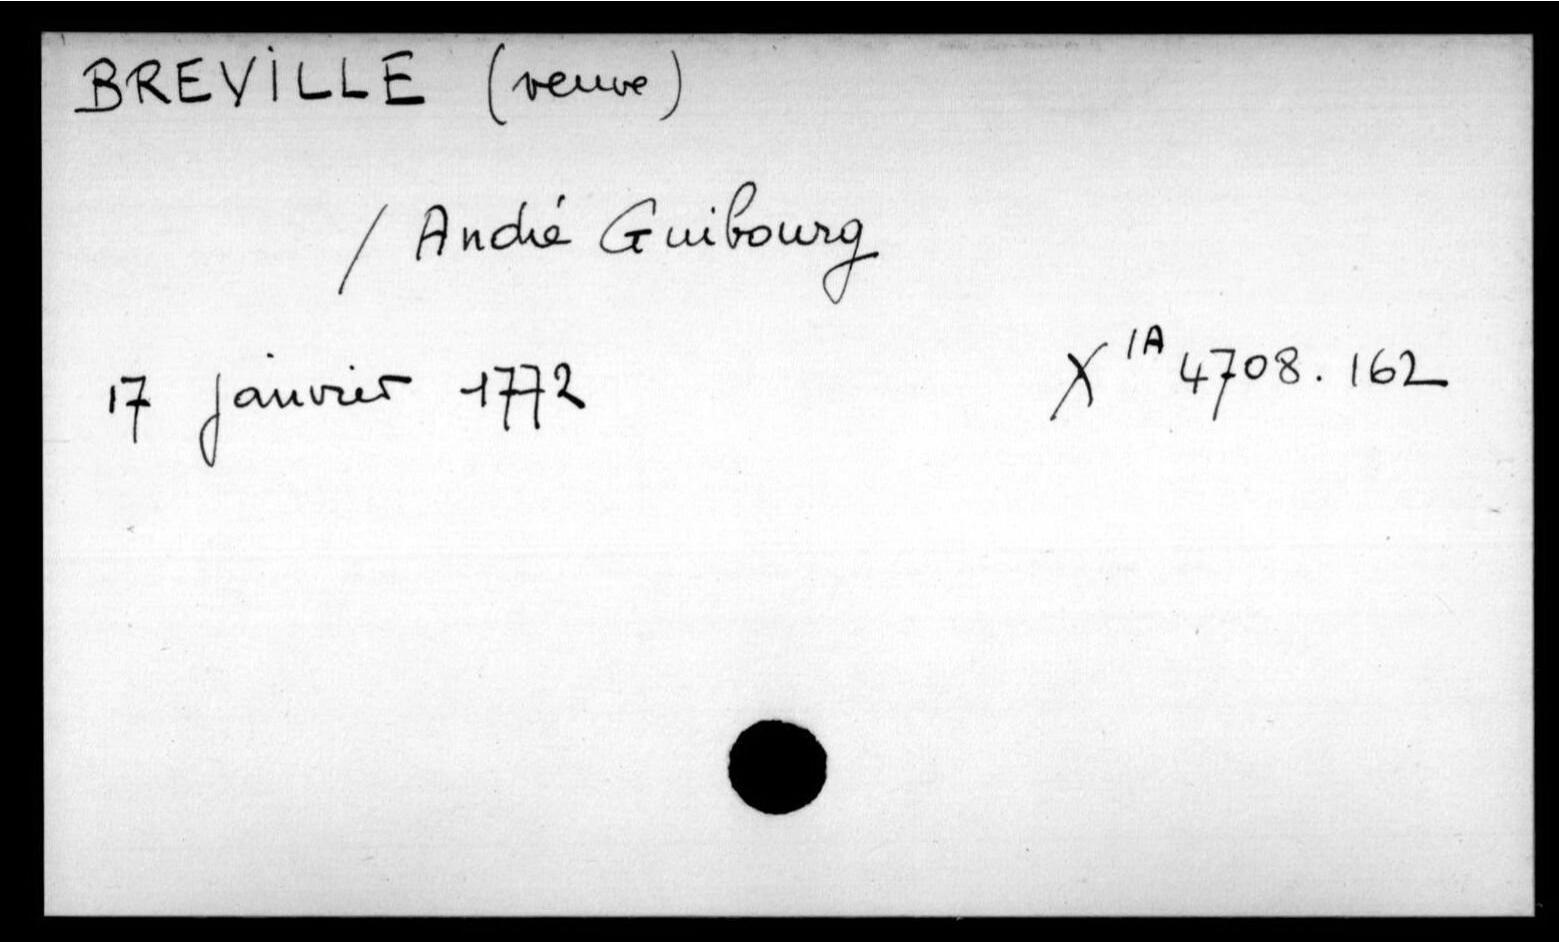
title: BREVILLE (Veuve)
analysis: Contre André Guibourg
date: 17 janvier 1772
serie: X1A
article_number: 4708
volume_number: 162
